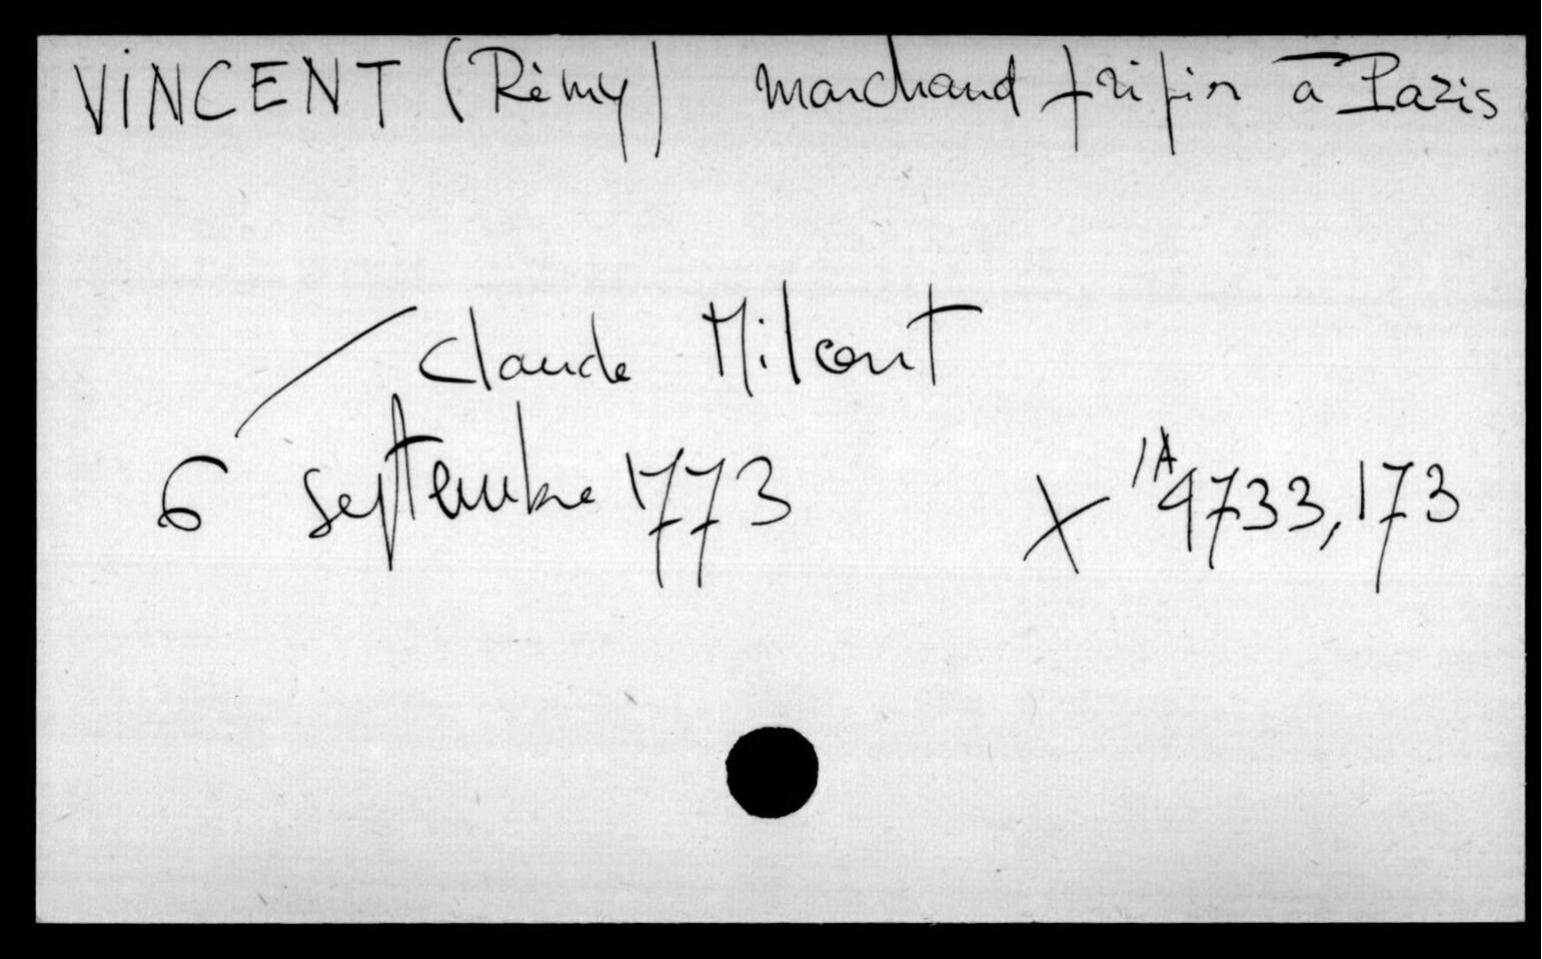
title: VINCENT (Rémy) marchand fripier à Paris
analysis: Contre Claude Milcent
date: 6 septembre 1773
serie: X1A
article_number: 4733
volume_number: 173
